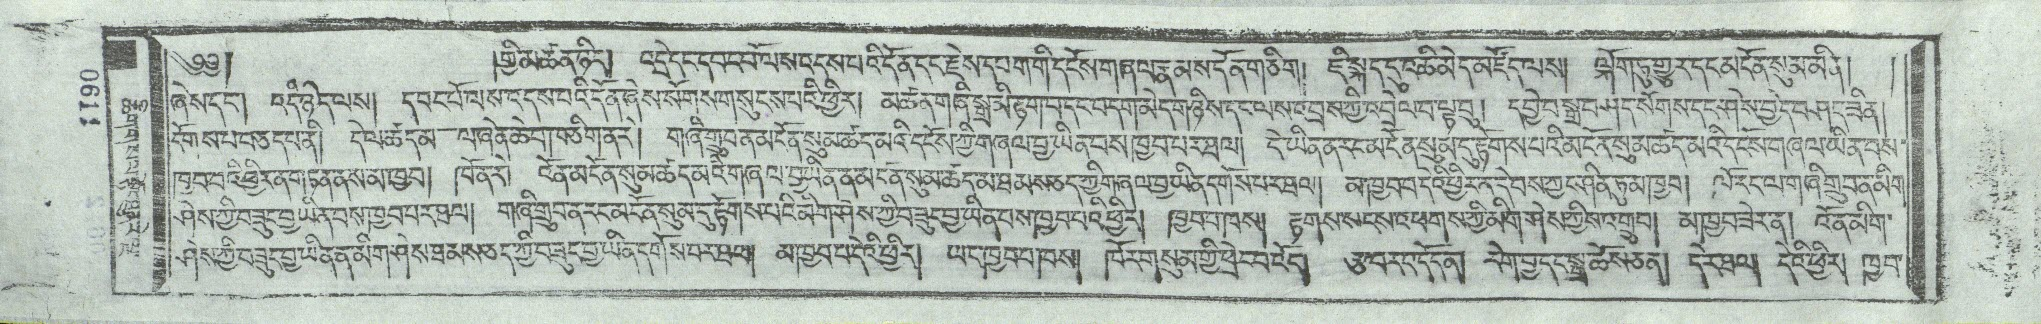༄༅། །གྱི་མཚན་ཉིད། འདྲེ་དང་དབང་པོ་ལས་འདས་པའི་དོན་དང་རྗེས་དཔག་གི་དངོས་གཞལ་རྣམས་དོན་གཅིག། ཇི་སྐད་དུ་འཆི་མེད་མཛོད་ལས། ལྐོག་ཏུ་གྱུར་དང་མངོན་སུམ་མིན། །
ཞེས་དང་། འདི་ཉིད་ལས། དབང་པོ་ལས་འདས་པའི་དོན་ཞེས་སོགས་གསུངས་པའི་ཕྱིར། མཚན་གཞི་སྒྲ་མི་རྟག་པ་དང་བདག་མེད་གཉིས་དང་ལས་འབྲས་ཀྱི་འབྲེལ་བ་ལྟ་བུ། དབྱེ་བ་སྒྲ་བཤད་སོགས་དང་ཤེས་བྱེད་བཤད་ཟིན།
དོགས་པ་བཅད་པ་ནི། དེ་ལ་ཚད་མ་ལ་ཞེན་ཆེ་བ་ཁ་ཅིག་ན་རེ། གཞི་གྲུབ་ན་མངོན་སུམ་ཚད་མའི་དངོས་ཀྱི་གཞལ་བྱ་ཡིན་པས་ཁྱབ་པར་ཐལ། དེ་ཡིན་ན་རང་མངོན་སུམ་དུ་རྟོགས་པའི་མངོན་སུམ་ཚད་མའི་དངོས་གཞལ་ཡིན་བས་
ཁྱབ་བའི་ཕྱིར་ན་གཏན་ནས་མ་ཁྱབ། ཁོ་ན་རེ། འོ་ན་མངོན་སུམ་ཚད་མའི་གཞལ་བྱ་ཡིན་ན་མངོན་སུམ་ཚད་མ་ཐམས་ཅད་ཀྱི་གཞལ་བྱ་ཡིན་དགོས་པར་ཐལ། མ་ཁྱབ་པ་དེའི་ཕྱིར་ན་དེ་བས་ཀྱང་ཤིན་ཏུ་མ་ཁྱབ། ཁོ་རང་ལ་གཞི་གྲུབ་ན་མིག་
ཤེས་ཀྱི་བཟུང་བྱ་ཡིན་བས་ཁྱབ་པར་ཐལ། གཞི་གྲུབ་ན་རང་མངོན་སུམ་དུ་རྟོགས་པའི་མིག་ཤེས་ཀྱི་བཟུང་བྱ་ཡིན་པས་ཁྱབ་པའི་ཕྱིར། ཁྱབ་བ་ཁས། རྟགས་སངས་འཕགས་ཀྱི་མིག་ཤེས་ཀྱིས་འགྲུབ། མ་ཁྱབ་ཟེར་ན། འོ་ན་མིག་
ཤེས་ཀྱི་བཟུང་བྱ་ཡིན་ན་མིག་ཤེས་ཐམས་ཅད་ཀྱི་བཟུང་བྱ་ཡིན་དགོས་བར་ཐལ། མ་ཁྱབ་པ་དེའི་ཕྱིར། ཡང་ཁྱབ་པ་ཁས། ཁོར་གསུམ་གྱི་ཕྲེང་བ་འོང་། རྩ་བར་འདོད་ན། རེག་བྱ་དང་སྒྲ་ཆོས་ཅན། དེར་ཐལ། དེའི་ཕྱིར། ཁྱབ་